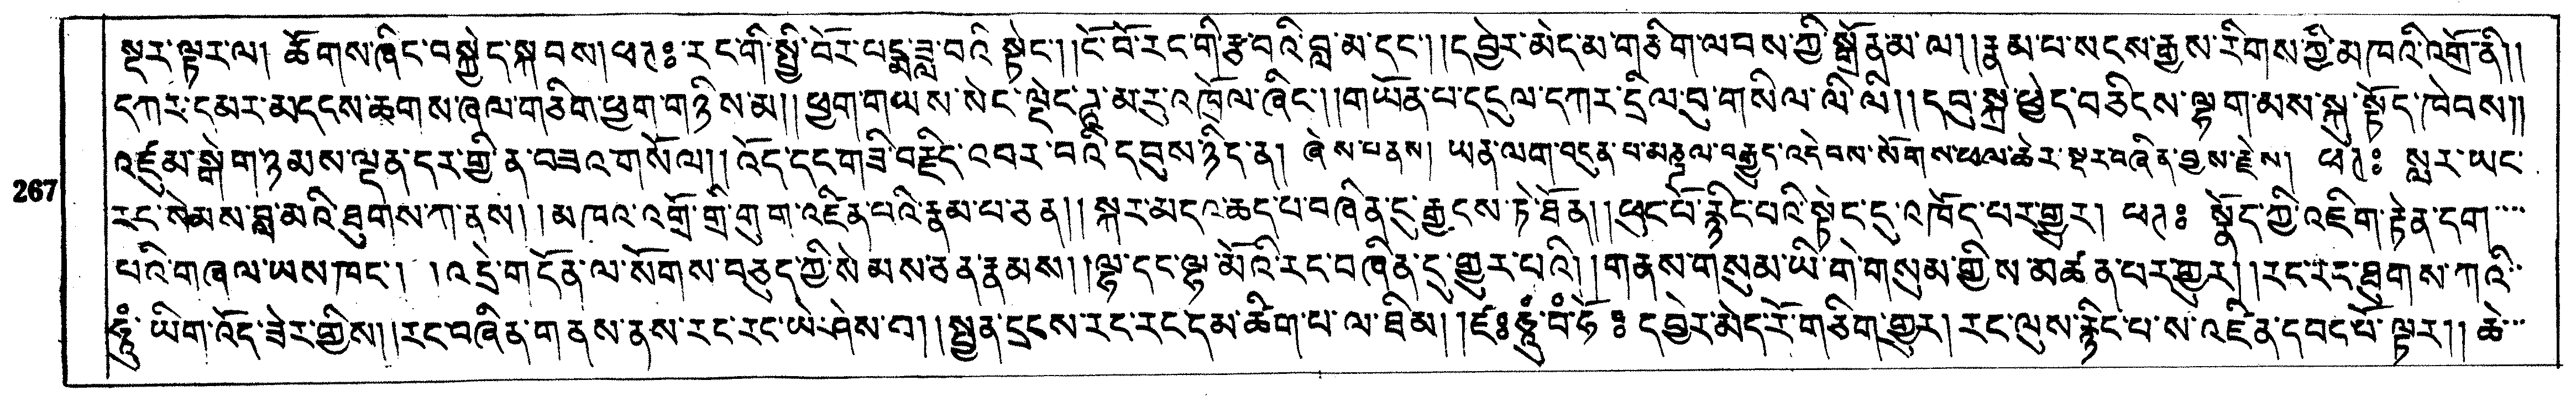སྔར་ལྟར་ལ། ཚོགས་ཞིང་བསྐྱེད་སྐབས། ཕཊཿ རང་གི་སྤྱི་བོར་པདམ་ཟླ་བའི་སྟེང་། །ངོ་བོ་རང་གི་རྩ་བའི་བླ་མ་དང་། །དབྱེར་མེད་མ་གཅིག་ལབས་ཀྱི་སྒྲོན་མ་ལ། །རྣམ་པ་སངས་རྒྱས་རིགས་ཀྱི་མཁའི་འགྲོ་ནི། །
དཀར་དམར་མདནས་ཆགས་ཞལ་གཅིག་ཕྱག་གཉིས་མ། །ཕྱག་གཡས་སེང་ལྡེང་ཌཱ་མ་རུ་འཁྲོལ་ཞིང་། །གཡོན་པ་དངུལ་དཀར་དྲིལ་བུ་གསིལ་ལི་ལི། །དབུ་སྐྲ་ཕྱེད་བཅིངས་ལྷག་མས་སྐུ་སྟོད་ཁེབས།།
འཛུམ་སྒེག་ཉམས་ལྡན་དར་གྱི་ན་བཟའ་གསོལ། །འོད་དང་གཟི་རྗིད་འབར་བའི་དུས་ཡིད་ན། ཞེས་པ་ནས། ཡན་ལག་བདུན་པ་མཎྜལ་བརྒྱུད་འདེབས་སོགས་ཕལ་ཆེར་སྔར་བཞིན་བྱས་རྗེས། ཕཊཿ སླརར་ཡང་
རང་སེམས་བླ་མའི་ཐུགས་ཀ་ནས། །མཁའ་འགྲོ་གི་གུག་འཛིན་པའི་རྣམ་པ་ཅན། །སྐར་མདའ་ཆད་པ་བཞིན་དུ་རྒྱངས་ཏེ་ཐོན། །ཕུང་པོ་རྙིང་པའི་སྟེང་དུ་འཁོད་པར་གྱུར། ཕཊཿ སྣོད་ཀྱི་འཇིག་རྟེན་དག་
པའི་གཞལ་ཡས་ཁང་། །འདྲེ་གདོན་ལ་སོགས་བཅུད་ཀྱི་སེམས་ཅན་རྣམས། །ལྷ་དང་ལྷ་མོའི་རང་བཞིན་དུ་གྱུར་པའི། །གནས་གསུམ་ཡི་གེ་གསུམ་གྱིས་མཚན་པར་གྱུར། །རང་རང་ཐུགས་ཀའི་
ཧཱུཾ་ཡིག་འོད་ཟེར་གྱིས། །རང་བཞིན་གནས་ནས་རང་རང་ཡེ་ཤེས་བ། །སྤྱན་དྲངས་རང་རང་དམ་ཚིག་པ་ལ་ཐིམ། །ཛཿ ཧཱུཾ་བཾ་ཧོཿ དབྱེར་མེད་རོ་གཅིག་གྱུར། རང་ལུས་རྙིང་པ་ས་འཛིན་དབང་པོ་ལྟར། །ཆེ་